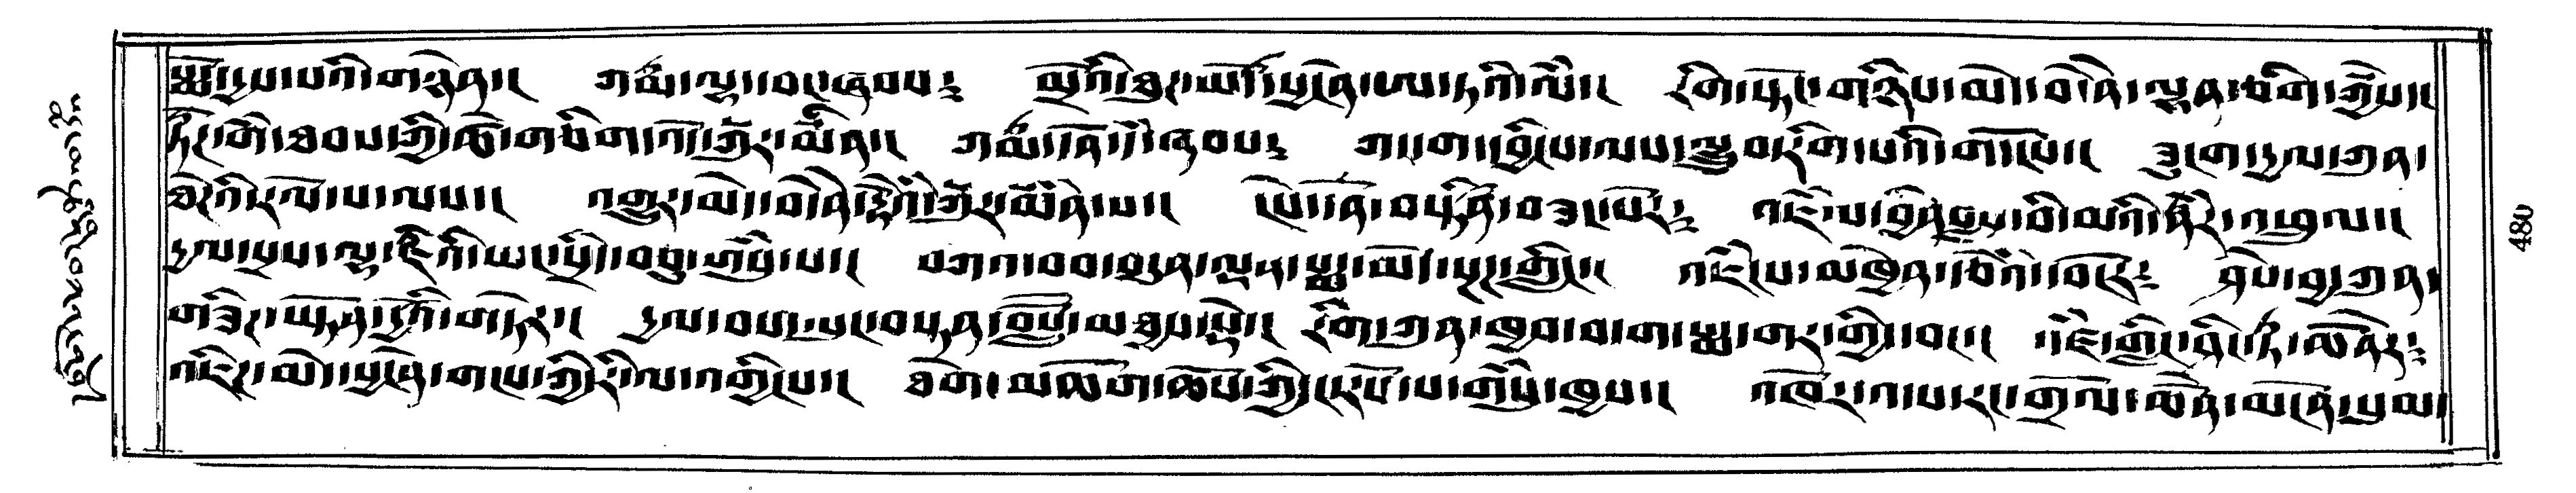པདྨོ་རྒྱས་པའི་གཉེན། །ཀརྨ་ལྷ་དབང་ཞབས༴ མཁའ་འགྲོའི་ཐུགས་མཛོད་གསང་ཆེན་ཨ་ཏིའི་ལམ། །རིག་སྟོང་གཉིས་མེད་བདེ་ཆེན་ལྷན་ཅིག་སྐྱེས། །
རྟོགས་གོམས་ཐབས་ཀྱིས་ཚེ་གཅིག་འོད་སྐུར་སྨིན། །ཀརྨ་དོན་དམ་ཞབས༴ ཀ་དག་དབྱིངས་ལས་ལྷུན་གྲུབ་རིག་པའི་གདངས། །ཟུང་འཇུག་རྒྱལ་ཀུན་
ཐུགས་ཆེའི་རོལ་པ་ལས། །འགྱུར་མེད་བདེ་ཆེན་རྡོ་རྗེའི་སྐུར་སྨིན་པ། །ངེས་དོན་བསྟན་འཛིན་བཟང་པོར༴འཇམ་དཔལ་བྱིན་རླབས་བི་མའི་རྣམ་པར་འཕྲུལ། །
རྒྱལ་སྲས་ལྷ་རྗེའི་ཡང་སྲིད་བཅུ་གསུམ་པ། །བཀའ་བབ་བདུན་ལྡན་པདྨ་མདོ་སྔགས་གླིང་། །འཇམ་དབྱངས་མཁྱེན་རྩེའི་དབང་པོར༴ ཤེས་བྱ་ཀུན་
གཟིགས་ཡོན་ཏན་རྒྱ་མཚོའི་གཏེར། །རྒྱལ་བས་ལུང་བསྟན་བློ་གྲོས་མཐའ་གཡས་སྡེ། །རིགས་ཀུན་ཁྱབ་བདག་པདྨ་གར་གྱི་དབང་། །འཇམ་གླིང་ཤིང་རྟ་ཆེན་པོར་༴ 
འཇིགས་མེད་གསང་ངེན་གངས་ཀྱི་རི་ལ་འགྱིངས། །ཐེག་མཆོག་ཆོས་ཀྱི་ང་རོས་ས་གསུམ་ཁྱབ། །འཁོར་འདས་རང་གྲོལ་ཆེན་པོ་མངོན་སུམ་